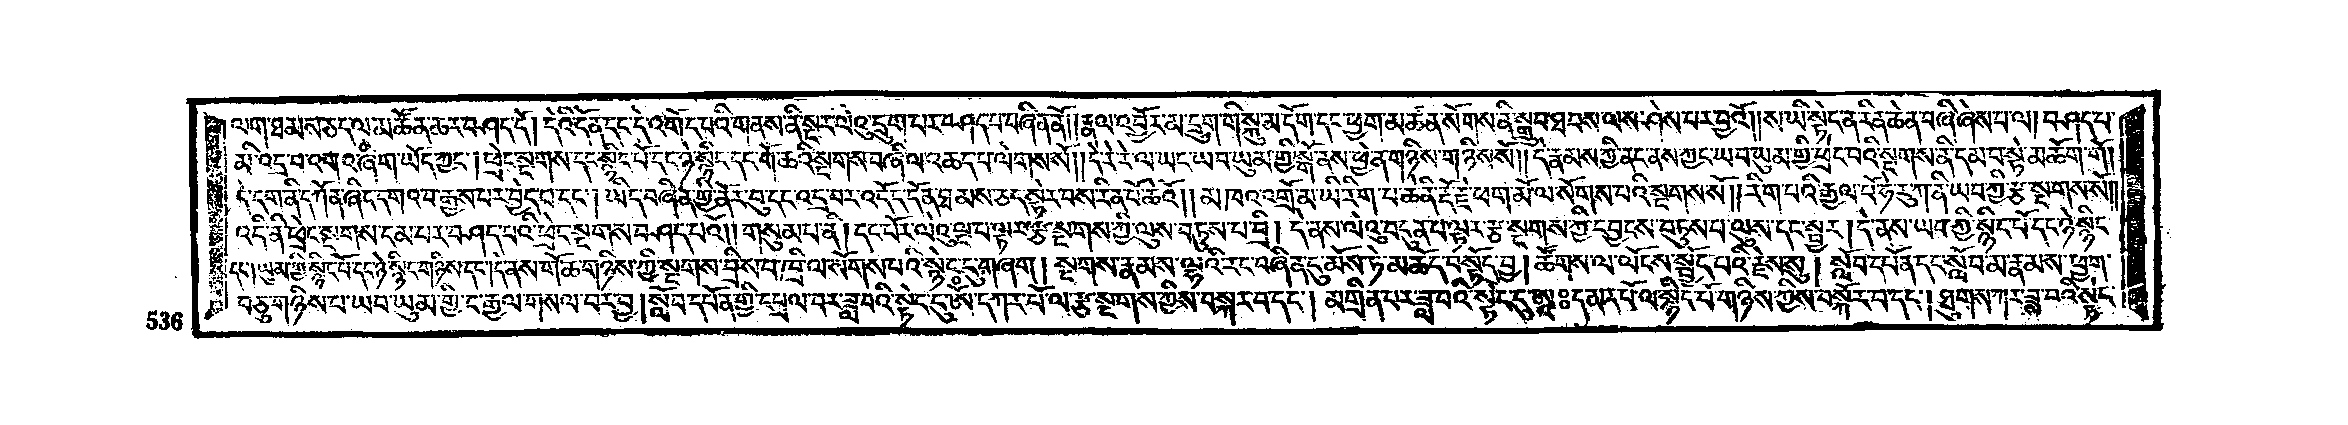ལག་ཐམས་ཅད་ལ་མཚོན་ཆར་བཤད་དེ། དེའི་དོན་དང་དེ་འགོད་པའི་གནས་ནི་སྔར་ལེའུ་དྲུག་པར་བཤད་པ་བཞིན་ནོ། །རྣལ་འབྱོར་མ་དྲུག་གི་སྐུ་མདོག་དང་ཕྱག་མཚན་སོགས་ནི་སྒྲུབ་ཐབས་ལས་ཤེས་པར་བྱའོ། །ས་ཡི་སྟེང་ན་རིན་ཆེན་བཞི་ཞེས་པ་ལ། བཤད་པ་
མི་འདྲ་བ་འགའ་ཞིག་ཡོད་ཀྱང་། ཕྲེང་སྔགས་དང་སྙིང་པོ་དང་ཉེ་སྙིང་དང་གོ་ཆའི་སྔགས་བཞི་ལ་འཆད་པ་ལེགས་སོ། །དེ་རེ་རེ་ལ་ཡང་ཡབ་ཡུམ་གྱི་སྒོ་ནས་ཕྱེ་ན་གཉིས་གཉིས་སོ། །དེ་རྣམས་ཀྱི་ནང་ནས་ཀྱང་ཡབ་ཡུམ་གྱི་ཕྲེང་བའི་སྔགས་ནི་དམ་པ་སྟེ་མཆོག་གོ །
དེ་དག་ནི་དཀོན་ཞིང་དགའ་བ་རྒྱས་པར་བྱེད་པ་དང་། ཡིད་བཞིན་གྱི་ནོར་བུ་དང་འདྲ་བར་འདོད་དོན་ཐམས་ཅད་སྟེར་བས་རིན་པོ་ཆེའོ། །མཁའ་འགྲོ་མ་ཡི་རིག་པ་ཆེ་ནི་རྡོ་རྗེ་ཕག་མོ་ལ་སོགས་པའི་སྔགས་སོ། །རིག་པའི་རྒྱལ་པོ་ཧེ་རུ་ཀ་ནི་ཡབ་ཀྱི་རྩ་སྔགས་སོ། །
འདི་ནི་ཕྲེང་སྔགས་དམ་པར་བཤད་པའི་ཕྲེང་སྔགས་བཤད་པའོ། །གསུམ་པ་ནི། དང་པོར་ལེའུ་ལྔ་པ་ལྟར་རྩ་སྔགས་ཀྱི་ལུས་བཏུས་པ་བྲི། དེ་ནས་ལེའུ་བདུན་པ་ལྟར་རྩ་སྔགས་ཀྱི་དབྱངས་བཏུས་པ་ལུས་དང་སྦྱར། དེ་ནས་ཡབ་ཀྱི་སྙིང་པོ་དང་ཉེ་སྙིང་
དང་། ཡུམ་གྱི་སྙིང་པོ་དང་ཉེ་སྙིང་གཉིས་དང་། དེ་ནས་གོ་ཆ་གཉིས་ཀྱི་སྔགས་བྲིས་པ་ཁྲི་ལ་སོགས་པའི་སྟེང་དུ་གཞག །སྔགས་རྣམས་ལྷའི་རང་བཞིན་དུ་མོས་ཏེ་མཆོད་བསྟོད་བྱ། ཚོགས་ལ་ལོངས་སྤྱོད་པའི་རྗེས་སུ། སློབ་དཔོན་དང་སློབ་མ་རྣམས་ཕྱག་
བཅུ་གཉིས་པ་ཡབ་ཡུམ་གྱི་ང་རྒྱལ་གསལ་བར་བྱ། སློབ་དཔོན་གྱི་དཔྲལ་བར་ཟླ་བའི་སྟེང་དུ་ཨོཾ་དཀར་པོ་ལ་རྩ་སྔགས་ཀྱིས་བསྐོར་བ་དང་། མགྲིན་པར་ཟླ་བའི་སྟེང་དུ་ཨཱཿ དམར་པོ་ལ་སྙིང་པོ་གཉིས་ཀྱིས་བསྐོར་བ་དང་། ཐུགས་ཀར་ཟླ་བའི་སྟེང་